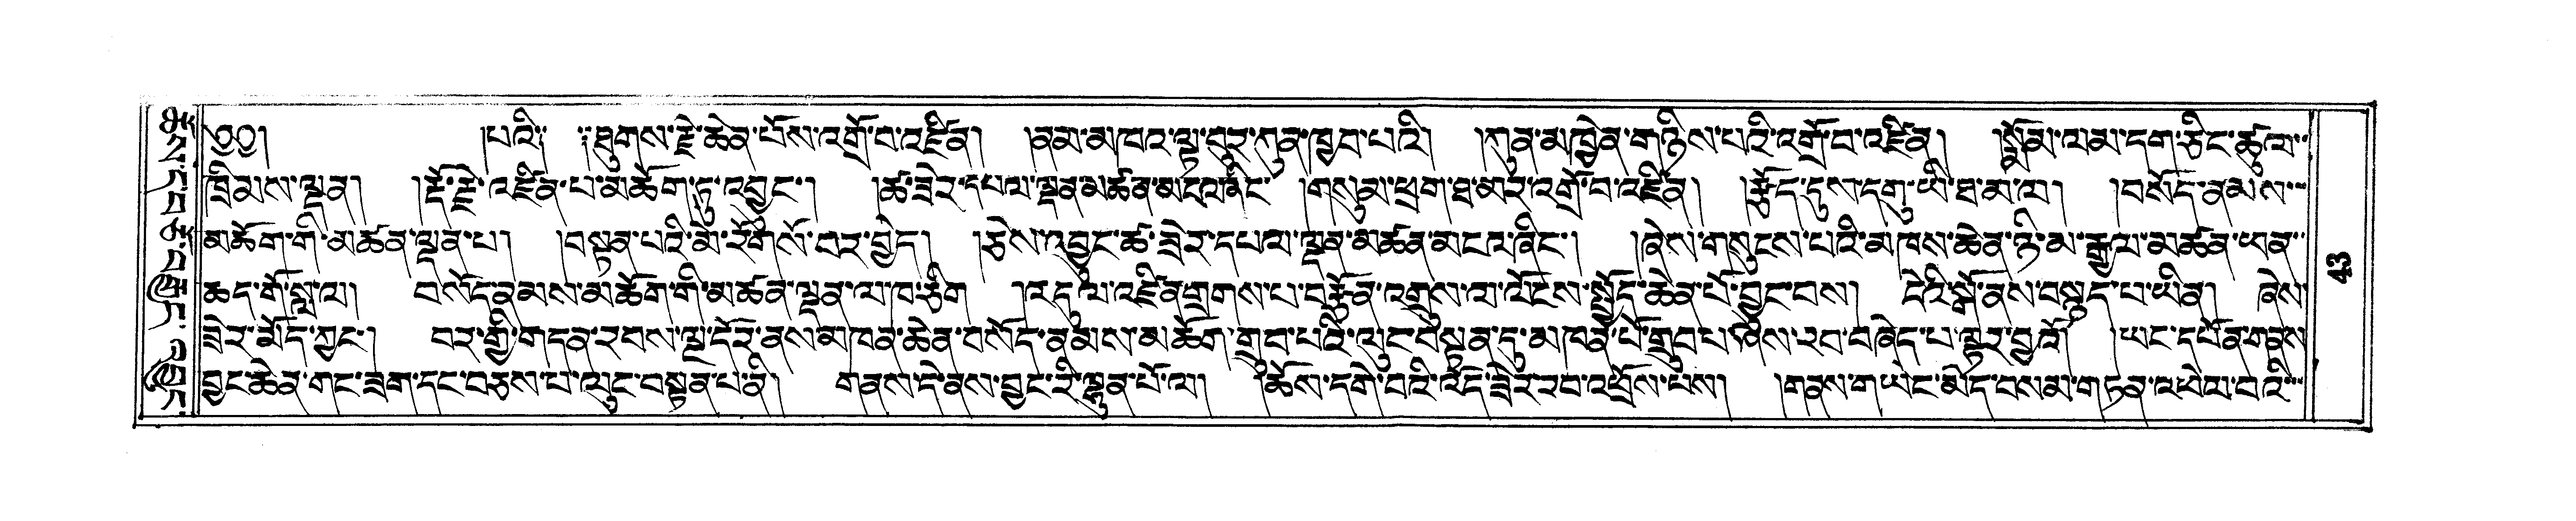༄༅། །པའི༑ ༑ཐུགས་རྗེ་ཆེན་པོས་འགྲོ་བ་འཛིན། །ནམ་མཁའ་ལྟ་བུར་ཀུན་ཁྱབ་པའི། །ཀུན་མཁྱེན་གཉིས་པའི་འགྲོ་བ་འཛིན། །སྨོན་ལམ་དག་ཅིང་ཚུལ་
ཁྲིམས་ལྡན། །རྡོ་རྗེ་འཛིན་པ་མཆོག་ཏུ་འབྱུང་། །ཚ་ཟེར་དཔལ་ལྡན་མཚན་མངའ་ཞིང་།གསུམ་ཕྲག་ཐ་མར་འགྲོ་བ་འཛིན། །རྩོད་དུས་དགུ་ཡི་ཐ་མ་ལ། །བསོད་ནམས་
མཆོག་གི་མཚན་ལྡན་པ། །བསྟན་པའི་མེ་རོགསོ་བར་བྱེད། །ཅེས་འབྱུང་ཚ་ཟེར་དཔལ་ལྡན་མཚན་མངའ་ཞིང་། །ཞེས་གསུངས་པའི་མཁས་ཆེན་ཉི་མ་རྒྱལ་མཚན་ཡན་
ཆད་གོ་སླ་ལ། བསོད་ནམས་མཆོག་གི་མཚན་ལྡན་ལ་ཁ་ཅིག །འདུལ་འཛིན་གྲགས་པ་བརྩོན་འགྲུས་ལ་ལོངས་སྤྱོད་ཆེན་པོ་བྱུང་བས། དེའི་སྒོ་ནས་བསྙད་པ་ཡིན། ཞེས་
ཟེར་མོད་ཀྱང་། བར་གྱི་གདན་རབས་ལྔ་དོར་ནས་མཁན་ཆེན་བསོད་ནམས་མཆོག་གྲུབ་པའི་ལུང་བསྟན་དུ་མཁན་པོ་གྲུབ་པ་ཤེས་རབ་བཞེད་པ་ལྟར་བྱའོ། །ཡང་དཔོན་གནས་
བྱང་ཆེན་གང་ཟག་དང་བཅས་པ་ལུང་བསྟན་པ་ནི། གནས་དེ་ནས་བྱང་རི་ལྷུན་པོ་ལ། །ཆོས་དགེ་བའི་འོད་ཟེར་རབ་འཕྲོས་པས། །གནས་གཡེང་མེད་བསམ་གཏན་འཕེལ་བའི་